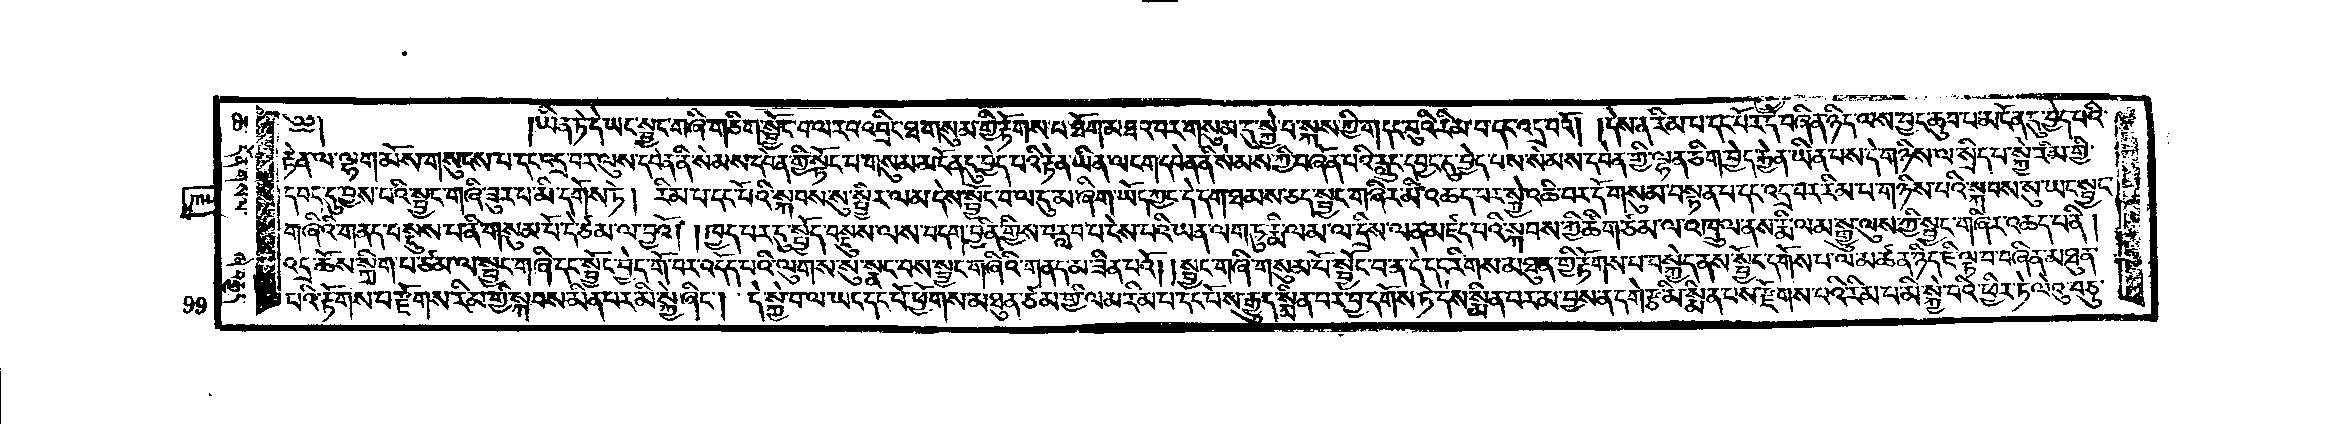༄༅། །ཡིན་ཏེ་དེ་ཡང་སྦྱང་གཞི་གཅིག་སྦྱོང་བ་ལ་རབ་འབྲིང་ཐ་གསུམ་གྱི་རྟོགས་པ་ཐོག་མཐའ་བར་གསུམ་དུ་སྐྱེ་བ་སྐས་ཀྱི་གདང་བུའི་རིམ་པ་དང་འདྲ་བའོ། །དེས་ན་རིམ་པ་དང་པོར་དེ་བཞིན་ཉིད་ལས་བྱང་ཆུབ་པ་མངོན་དུ་བྱེད་པའི་
རྟེན་ལ་ལྷག་མོས་གསུངས་པ་དང་འདྲ་བར་ལུས་དབེན་ནི་སེམས་དབེན་གྱི་སྟོང་པ་གསུམ་མངོན་དུ་བྱེད་པའི་རྟེན་ཡིན་ལ་ངག་དབེན་ནི་སེམས་ཀྱི་བཞོན་པའི་རླུང་དབང་དུ་བྱེད་པས་སེམས་དབེན་གྱི་ལྷན་ཅིག་བྱེད་རྐྱེན་ཡིན་པས་དེ་གཉིས་ལ་སྲིད་པ་སྐྱེ་རིམ་གྱི་
དབང་དུ་བྱས་པའི་སྦྱང་གཞི་ཟུར་པ་མི་དགོས་ཏེ། རིམ་པ་དང་པོའི་སྐབས་སུ་སྤྱིར་ལམ་དེས་སྦྱོང་བ་ལ་དུ་མ་ཞིག་ཡོད་ཀྱང་དེ་དག་ཐམས་ཅད་སྦྱང་གཞིར་མི་འཆད་པར་སྐྱེ་འཆི་བར་དོ་གསུམ་བསྟན་པ་དང་འདྲ་བར་རིམ་པ་གཉིས་པའི་སྐབས་སུ་ཡང་སྦྱང་
གཞིའི་གནད་བསྡུས་པ་ནི་གསུམ་པོ་དེ་ཙམ་ལ་བྱའོ། །ཁྱད་པར་དུ་སྤྱོད་བསྡུས་ལས་བདག་བྱིན་གྱིས་བརླབ་པ་ངེས་པའི་ཡན་ལག་ཏུ་རྨི་ལམ་ལ་དྲིས་ལན་མཛད་པའི་སྐབས་ཀྱི་ཚིག་ཙམ་ལ་འཁྲུལ་ནས་རྨི་ལམ་སྒྱུ་ལུས་ཀྱི་སྦྱང་གཞིར་འཆད་པ་ནི།
འདྲ་ཆོས་སྐྲིག་པ་ཙམ་ལ་སྦྱང་གཞི་དང་སྦྱོང་བྱེད་གོ་བར་འདོད་པའི་ལུགས་སུ་སྣང་བས་སྦྱང་གཞིའི་གནད་མ་ཟིན་པའོ། །སྦྱང་གཞི་གསུམ་པོ་སྦྱོང་བ་ན་དེ་དང་རིགས་མཐུན་གྱི་རྟོགས་པ་བསྐྱེད་ནས་སྦྱོང་དགོས་པ་ལ་མཚན་ཉིད་ཇི་ལྟ་བ་བཞིན་མཐུན་
པའི་རྟོགས་པ་རྫོགས་རིམ་གྱི་སྐབས་མིན་པར་མི་སྐྱེ་ཞིང་། དེ་སྐྱེ་བ་ལ་ཡང་དང་པོ་ཕྱོགས་མཐུན་ཙམ་གྱི་ལམ་རིམ་པ་དང་པོས་རྒྱུད་སྨིན་པར་བྱ་དགོས་ཏེ་དེས་སྨིན་པར་མ་བྱས་ན་དགེ་རྩ་མི་སྨིན་པས་རྫོགས་པའི་རིམ་པ་མི་སྐྱེ་བའི་ཕྱིར་ཏེ་ལེའུ་བཅུ་